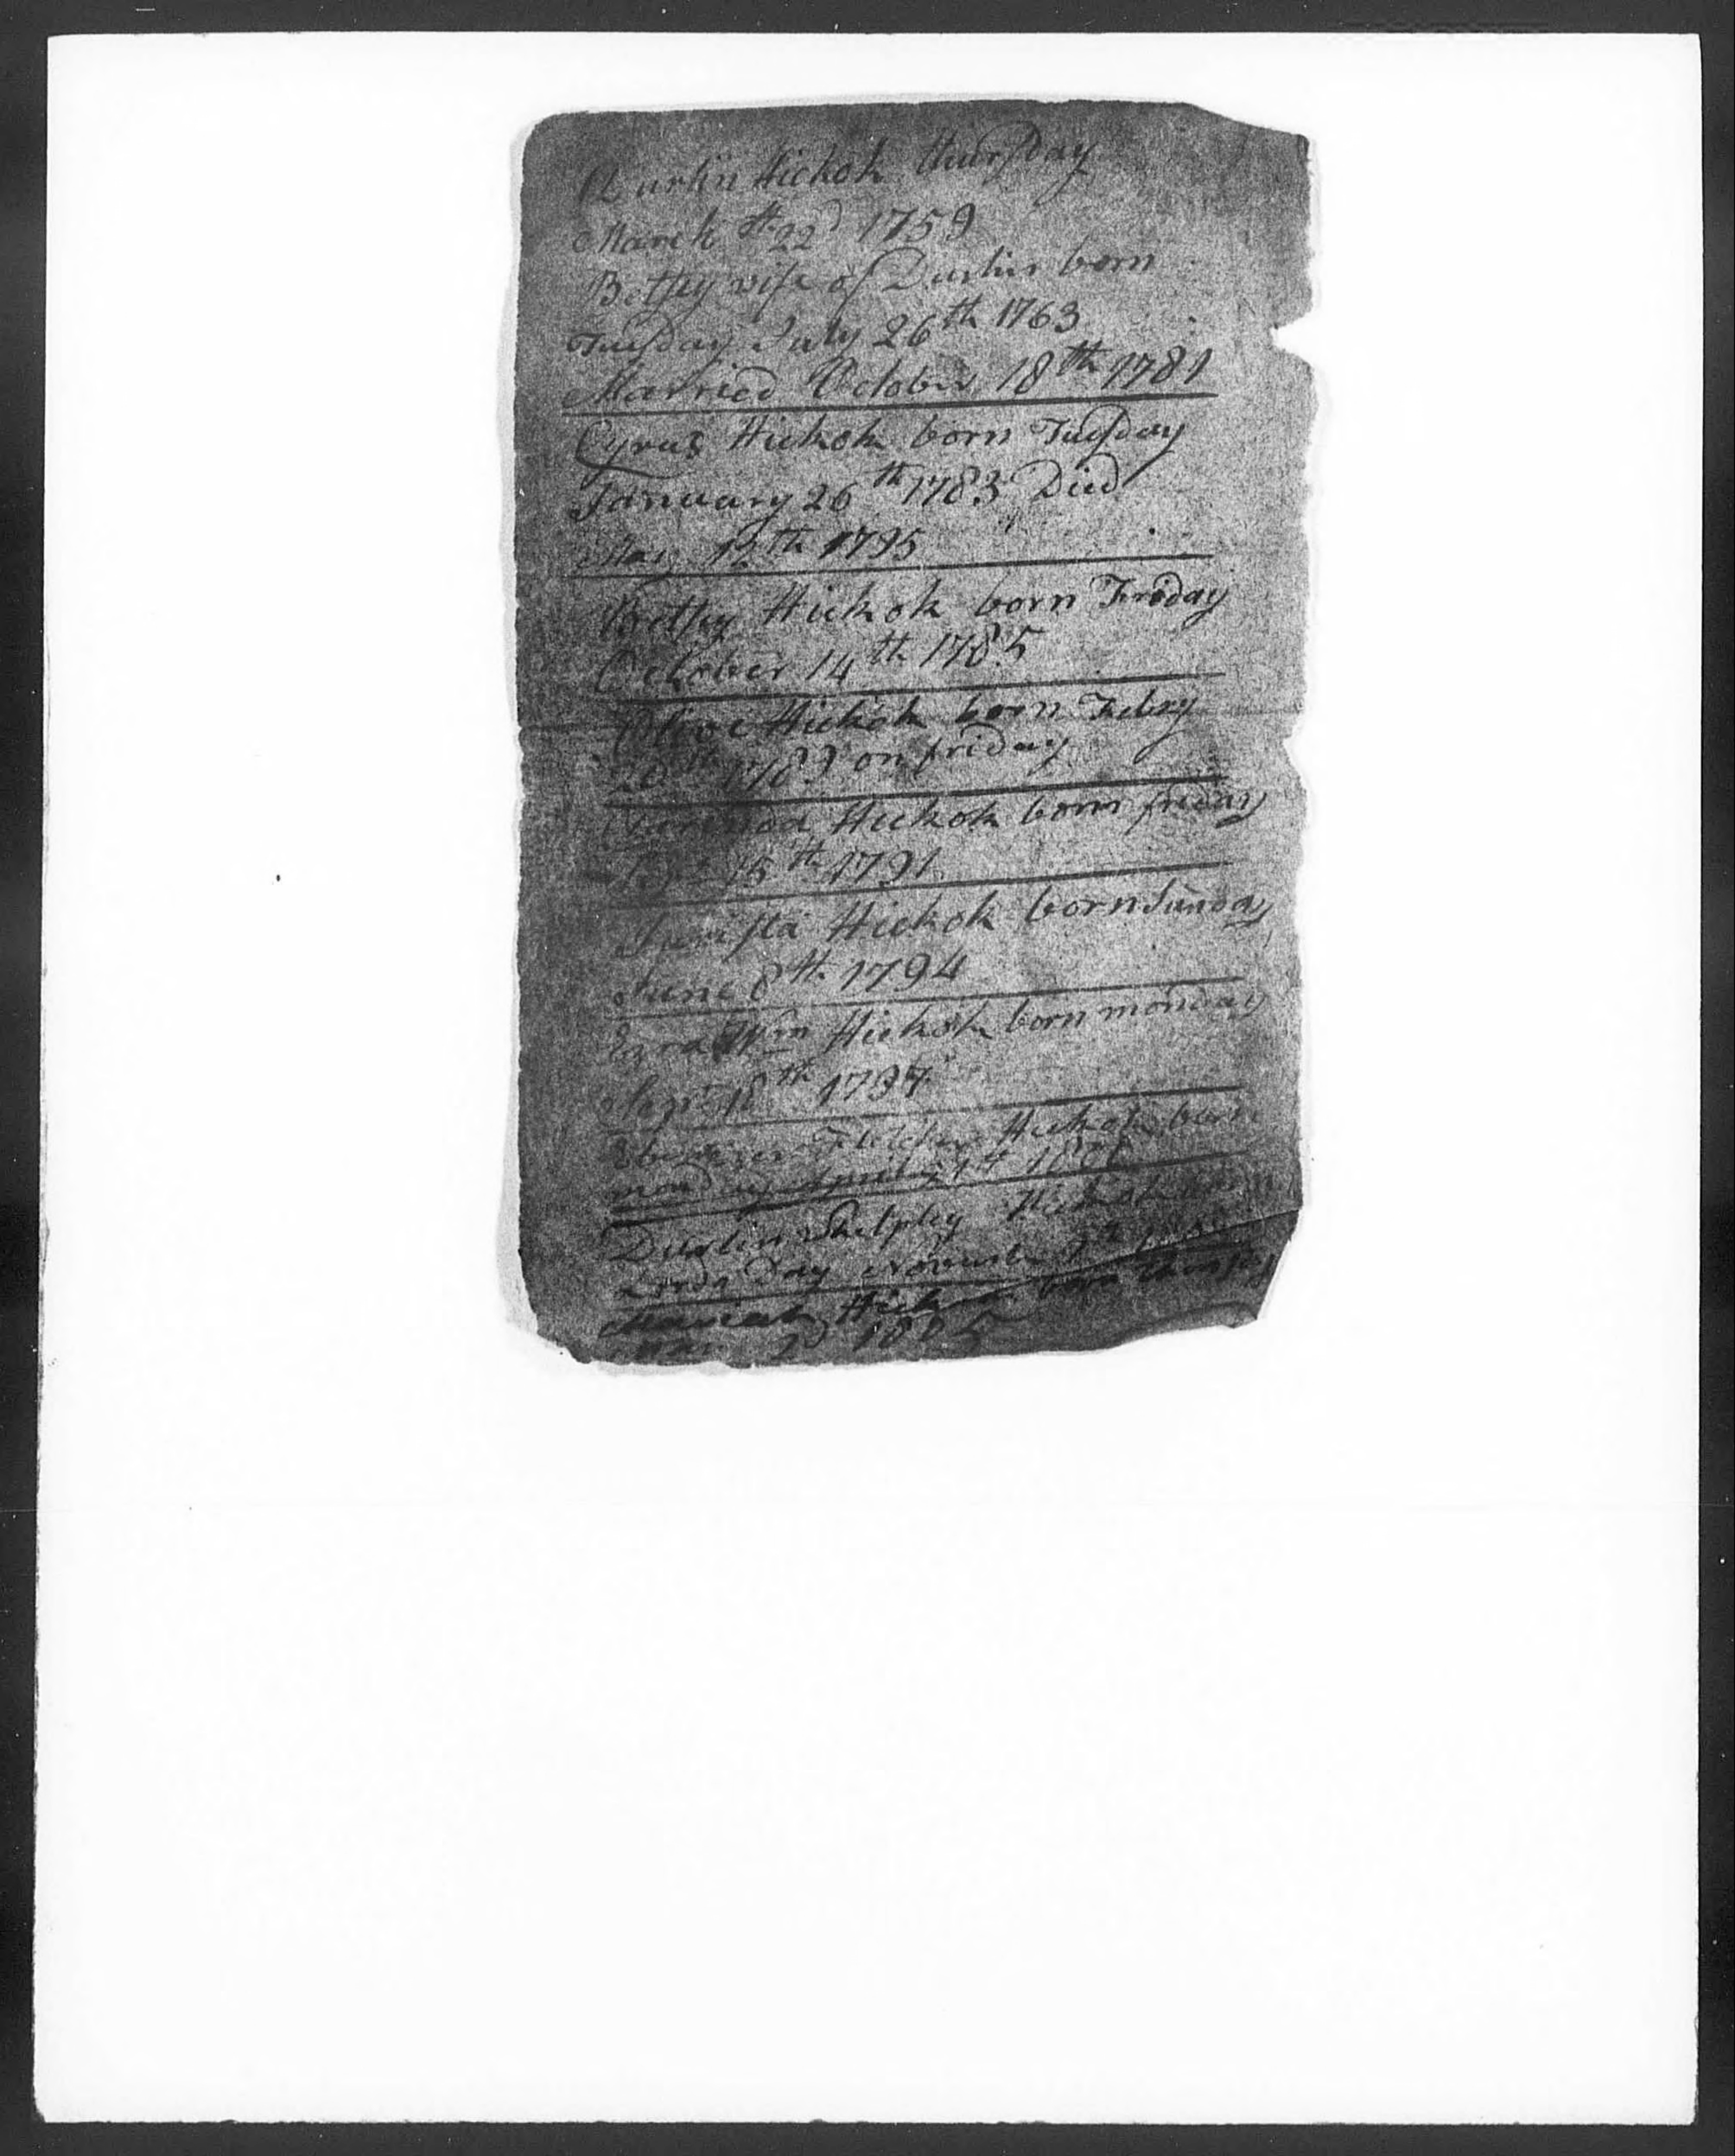Durbin Hickok Thursday
March 22 1759
Betsey wife of Durbin born
Tuesday July 26th 1763
married October 18th 1781
Cyrus Hickok born Tuesday
January 26th 1783 Died
May 12th 1795
Betsey Hickok born Friday
October 14th 1785
Olive Hickok born Febry
20th 1789 on friday
(illegible) Hickok born friday
(illegible) 15th 1791
(illegible) Hickok born Sunday
June 8th 1794
Ezra Hickok born Monday
Sept 18th 1797
Ebenezer Fletcher Hickok born
Monday April 4 1800
Durbin (illegible) Hickok (illegible)
November 9th 1802
Mariah Hickok born Thursday
May 2d 1805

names: Ezra Wm Hickok, Durlin Shelpley Hickok, Bettey Hickok, Cyrus Hickok, Olive Hickok, Durlin Hickok, Ebenezer Fletcher Hickok, Hickok, Bettey, Durlin, Mariah Hickok, Jurista Hickok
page: 13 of 45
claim: widow's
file: W. 4988, Durlin Hickok, Mass.